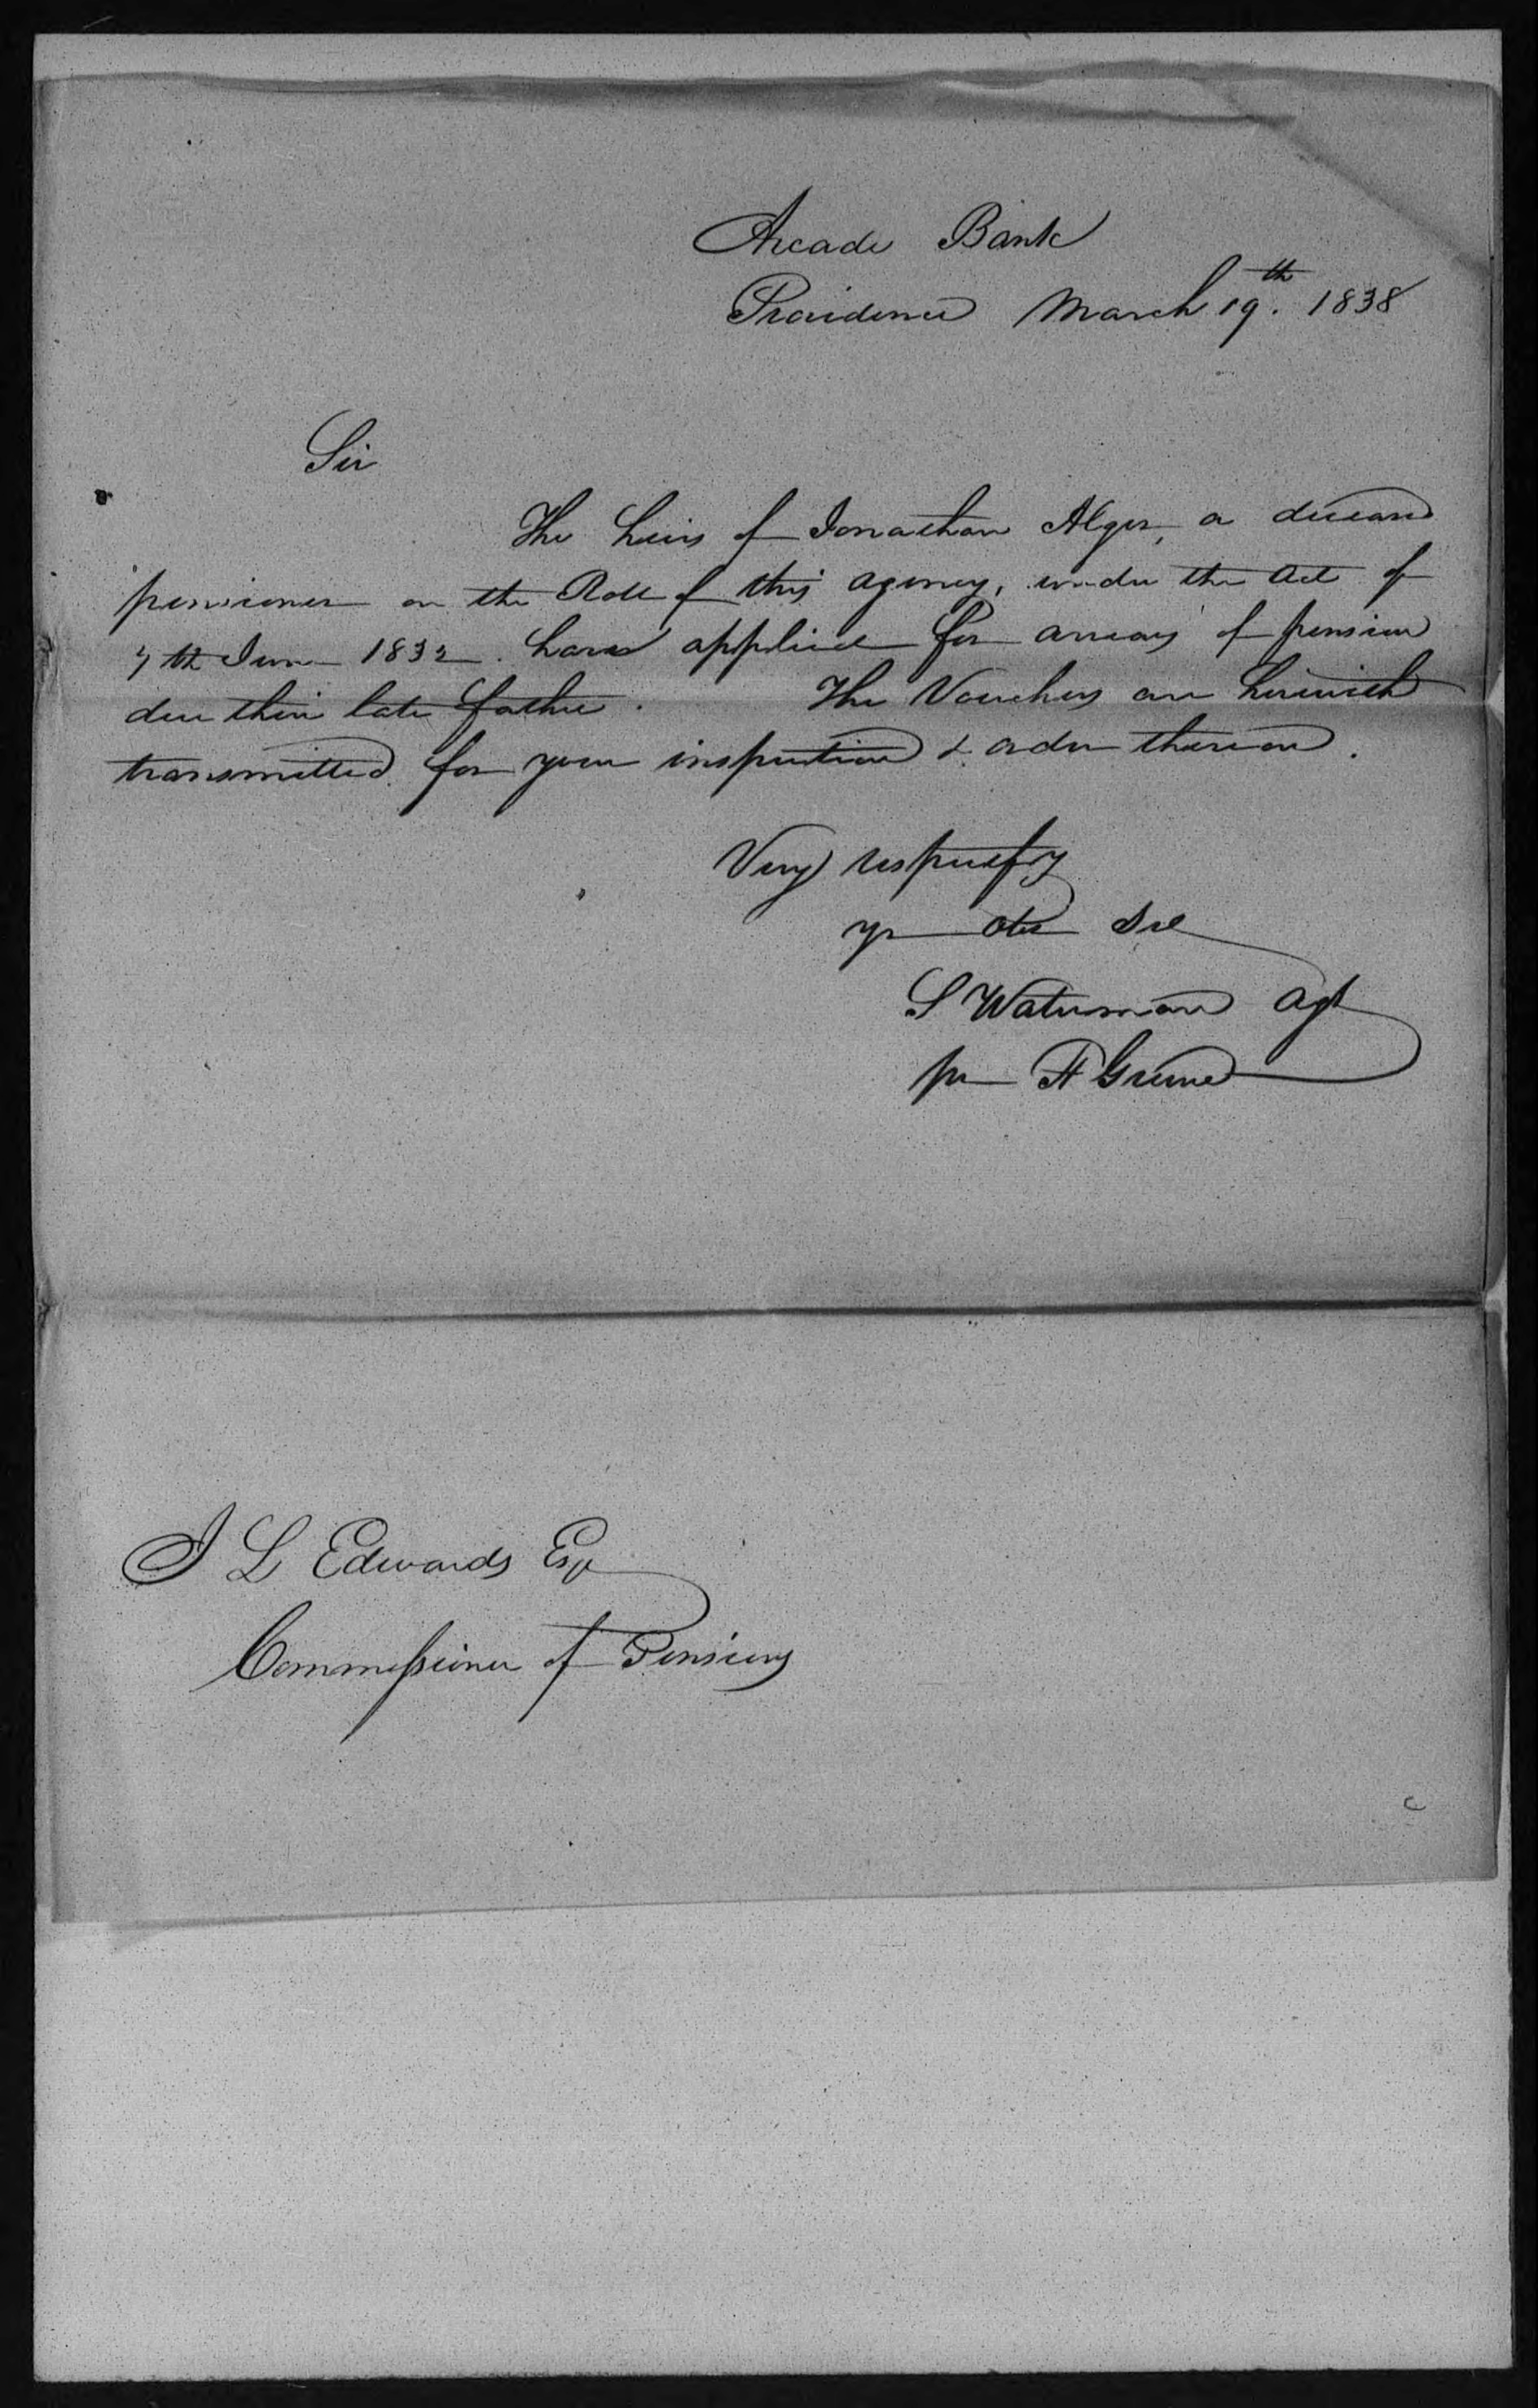Arcade Bank
Providence March 19th 1838
Sir
The heirs of Jonathan Alger, a deceased pensioner on the Roll of this agency, under the Act of 7th June 1832 have applied for any pension due their late father. The Vouchers are herewith transmitted for your inspection & order thereon.
Very respectfully your obt srv
L Waterman Agt for H. Greene
J L Edwards Esq
Commissioner of Pensions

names: F Greene, J L Edwards, Jonathan Alger, S Waterman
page: 14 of 16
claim: survivor's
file: S. 21040, Jonathan Alger, Mass. R. I.